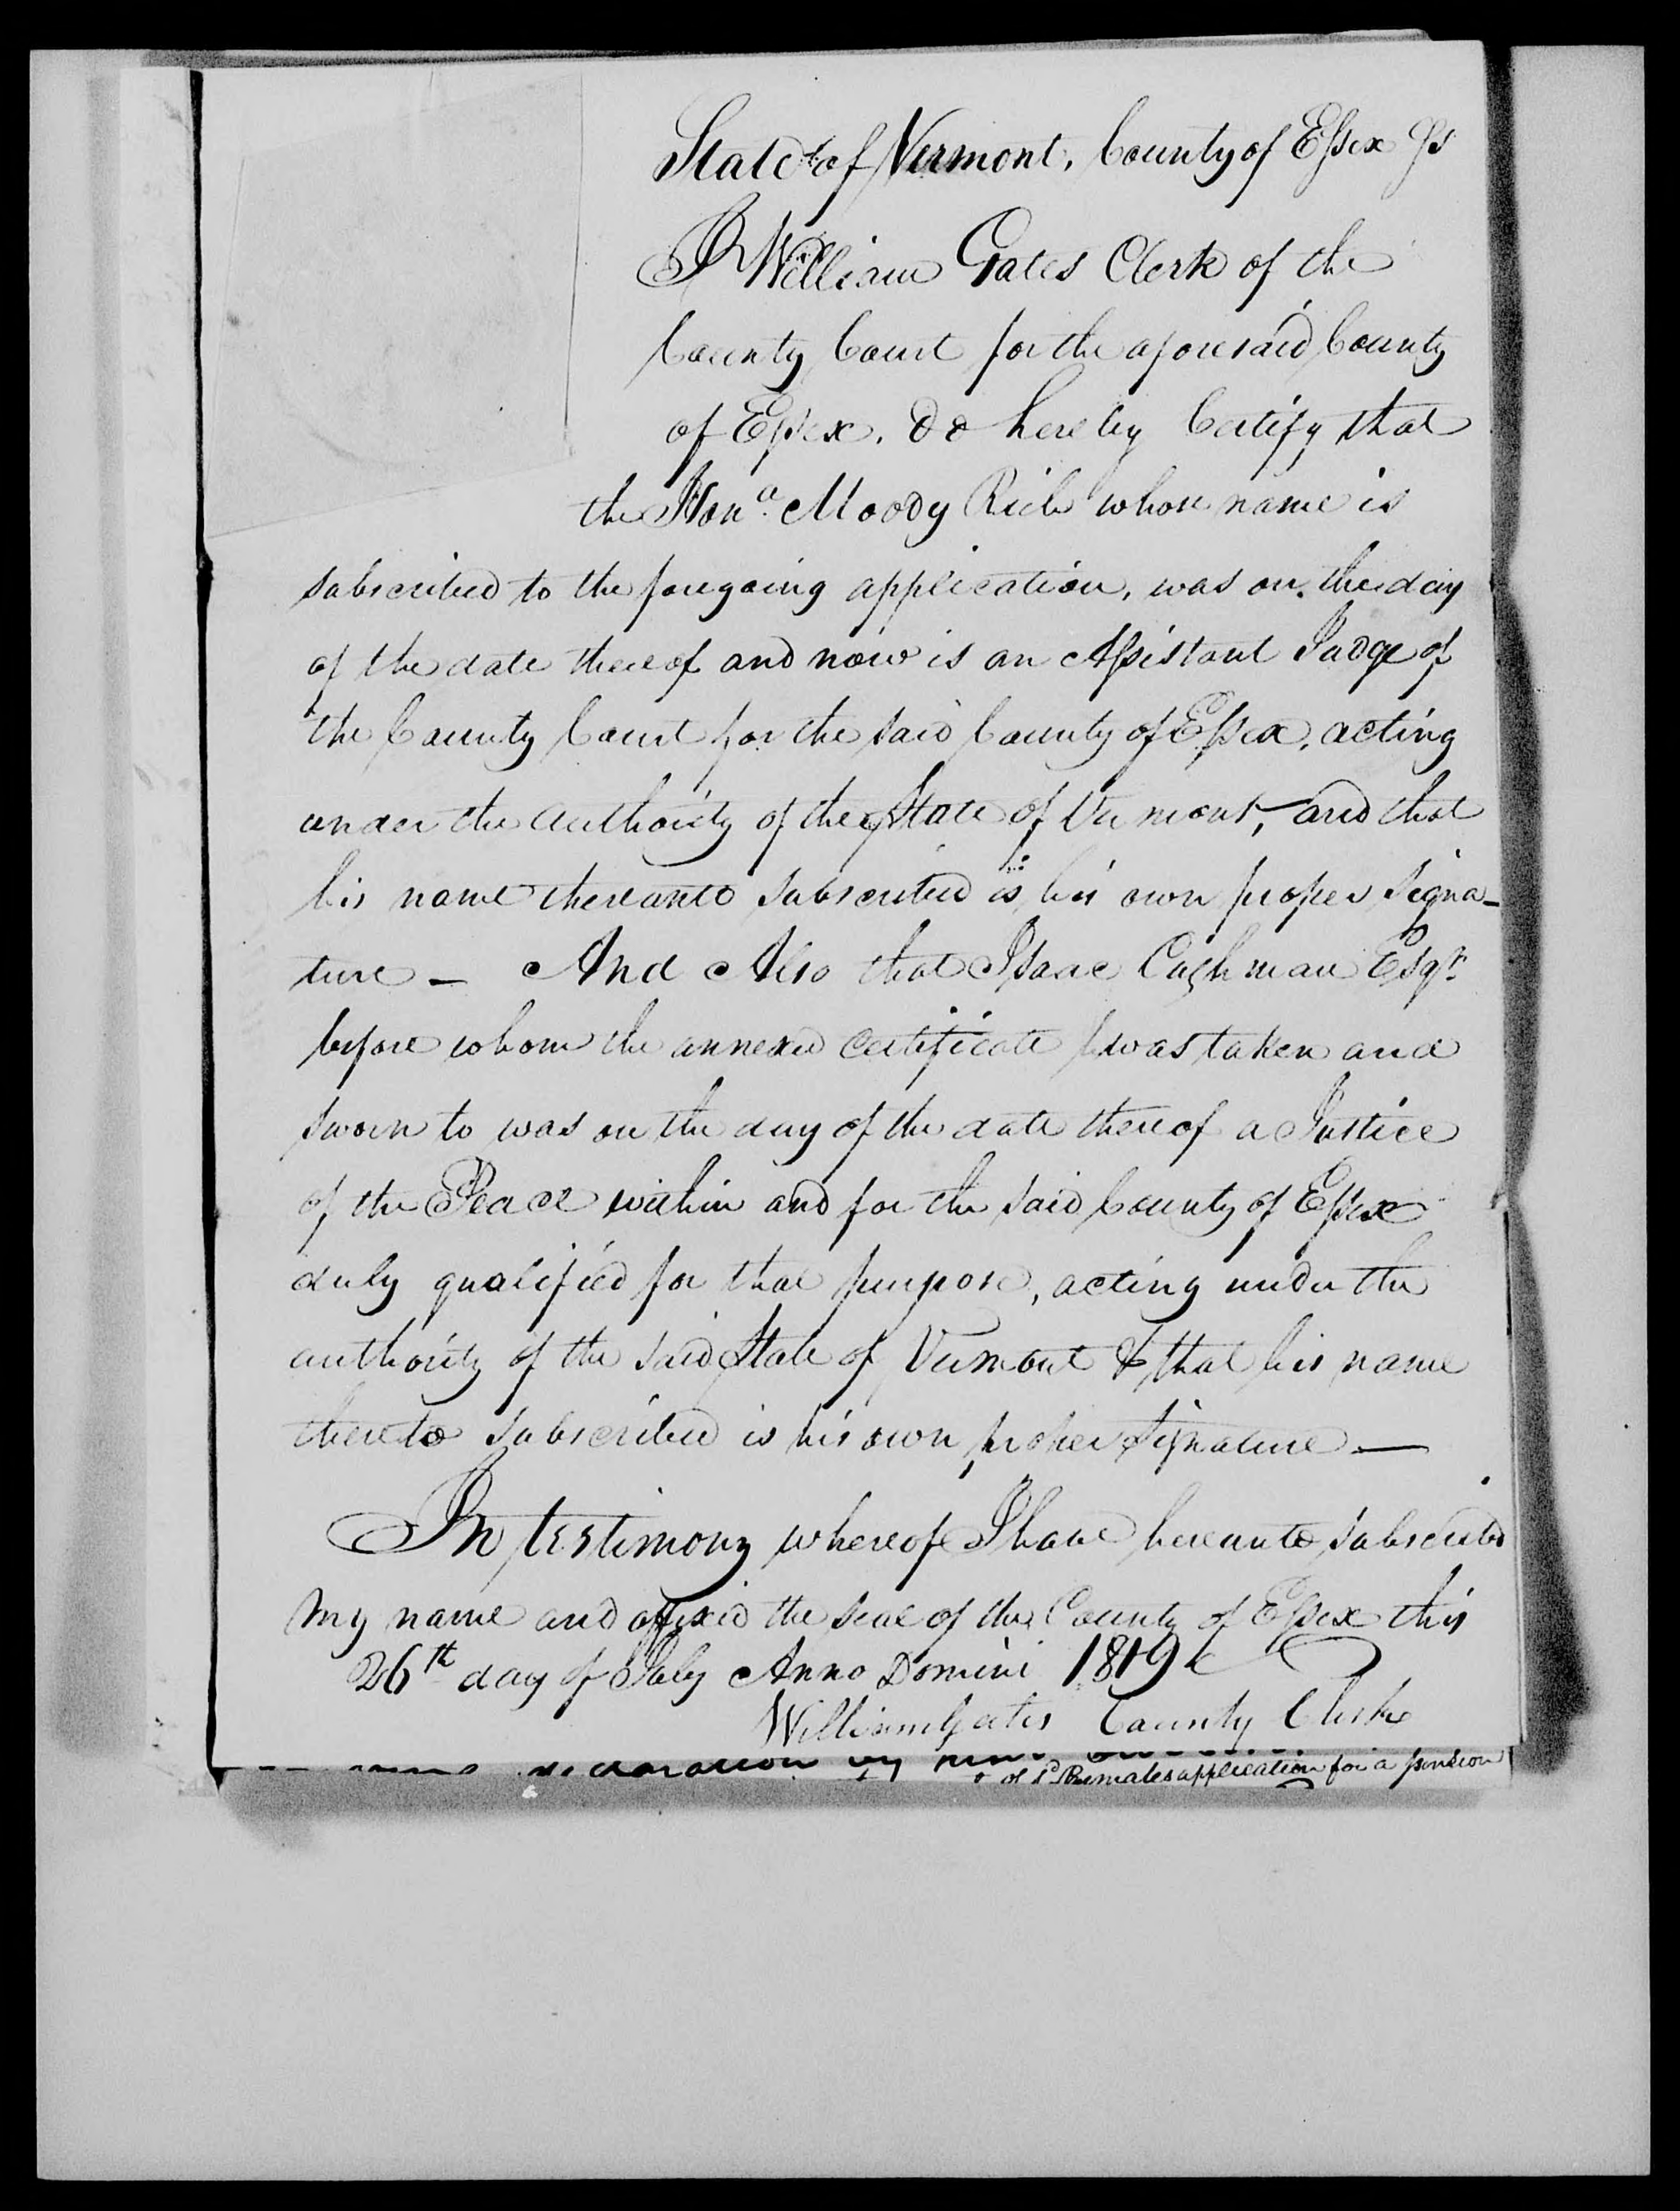State of Vermont, County of Essex ss
I William Gates Clerk of the County Court for the aforesaid County of Essex Do hereby certify that the Hon Moody Rich whose name is subscribed to the foregoing application, was on the day of the date thereof and now is an Assistant Judge of the County Court for the said County of Essex, acting under the authority of the State of Vermont, and that his name thereunto subscribed is his own proper Signature-- And Also that Isaac Cushman Esqr
before whom the annexed certificate was taken and Sworn to was on the day of the date thereof a Justice of the Peace within and for the said County of Essex duly qualified for that purpose, acting under the authority of the said State of Vermont & that his name 
thereto subscribed is his own proper signature-
In testimony whereof I have hereunto subscribed my name and affixed the seal of the County of Essex this 26th day of July Anno Domini 1819
William Gates County Clerk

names: Isaac Cushman; William Gates; Moody Rich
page: 8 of 11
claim: survivor's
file: S. 41,048, for Jeremiah Parmalee, Connecticut